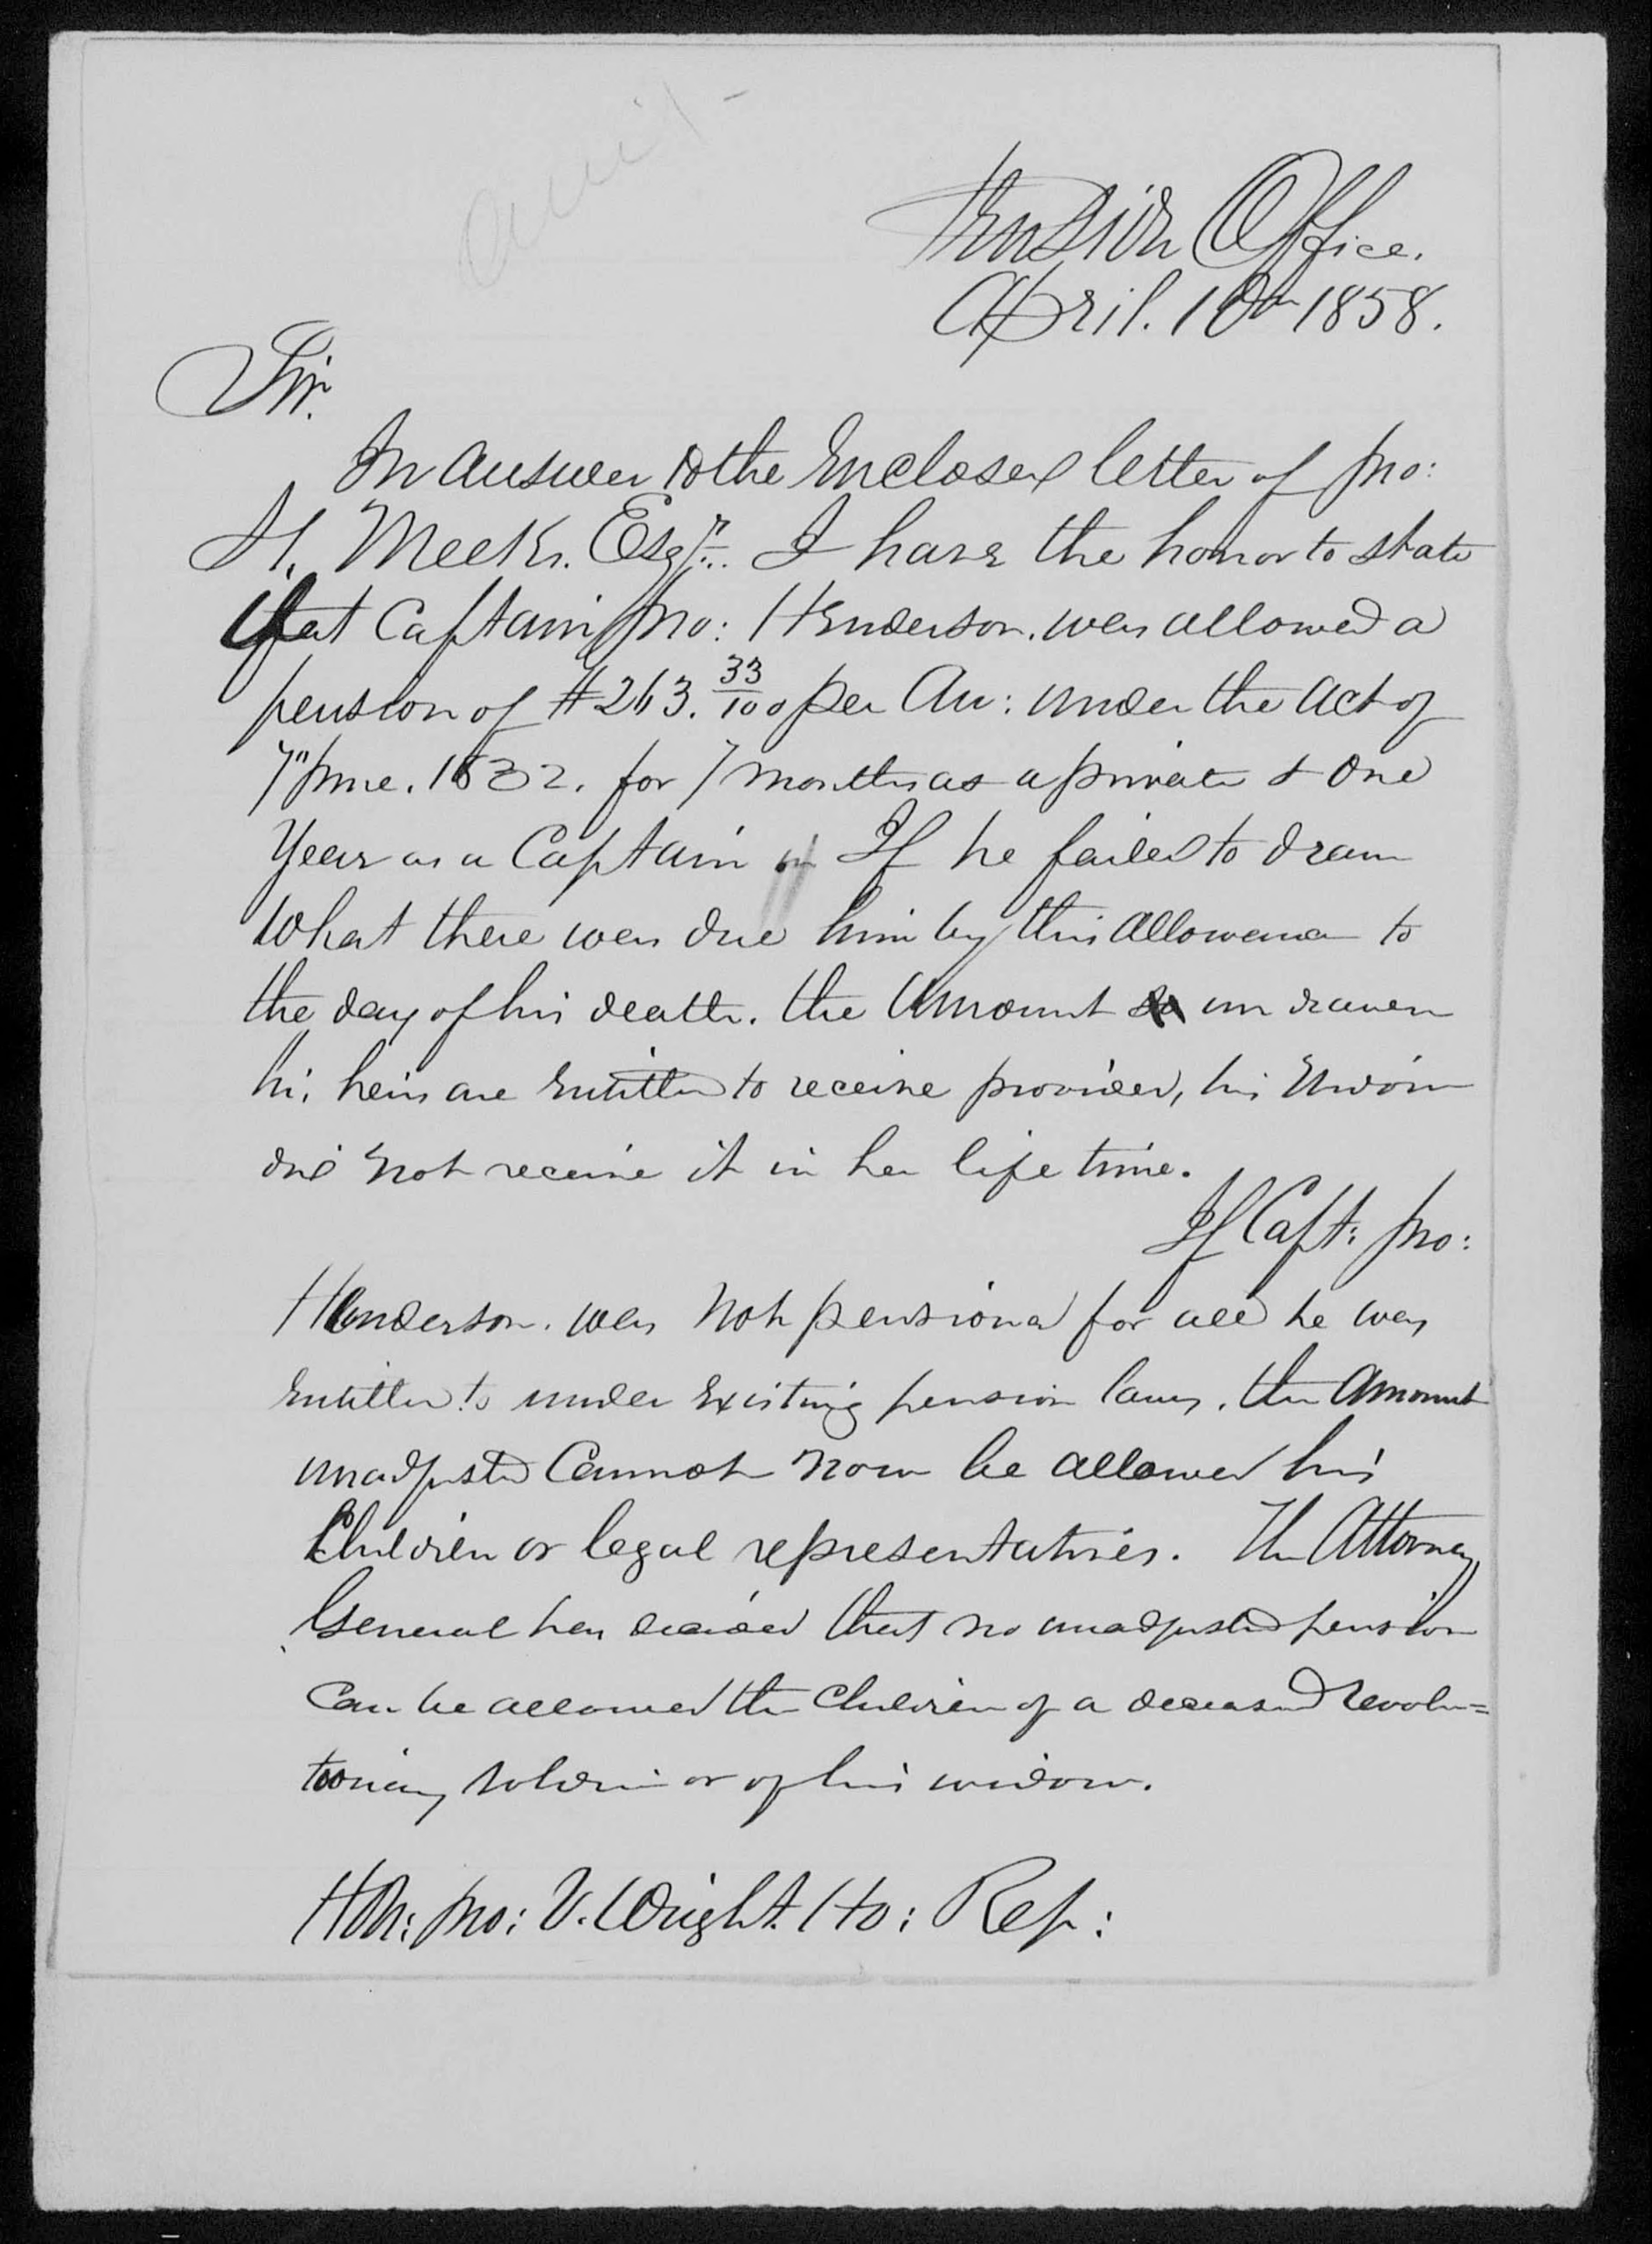Pension Office
April 10th 1858.

Sir
In answer to the Enclosed letter of Jno.
H. Meeks, Esqr.  I have the honor to state
that Captain Jno: Henderson was allowed a
pension of $263. 33/100 per An: under the act of
7" June, 1832, for months as a private & one
Year as a Captain.  If he failed to draw
what there was due him by this allowance to
the day of his death. the amount in arrears
[illegible] : heirs are entitled to receive provided, his widow
and not receive it in her life time.

[illegible] Capt: Jno:
Henderson was not pensioned for all he was
entitled to under existing pension laws, the amount
unadjusted Cannot now be allowed his
Children or legal representatives, The Attorney
General has decided that no unadjusted pension
can be allowed the children of a deceased Revolu=
tionary sold ier or of his widow.
Hon: Jno: V. Wright   Ho: Rep:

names: Jno Henderson, Jno H Weeks, Jno V Wright, Jno Henderson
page: 35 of 40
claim: rejected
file: R. 4,869, John Henderson, S.C.